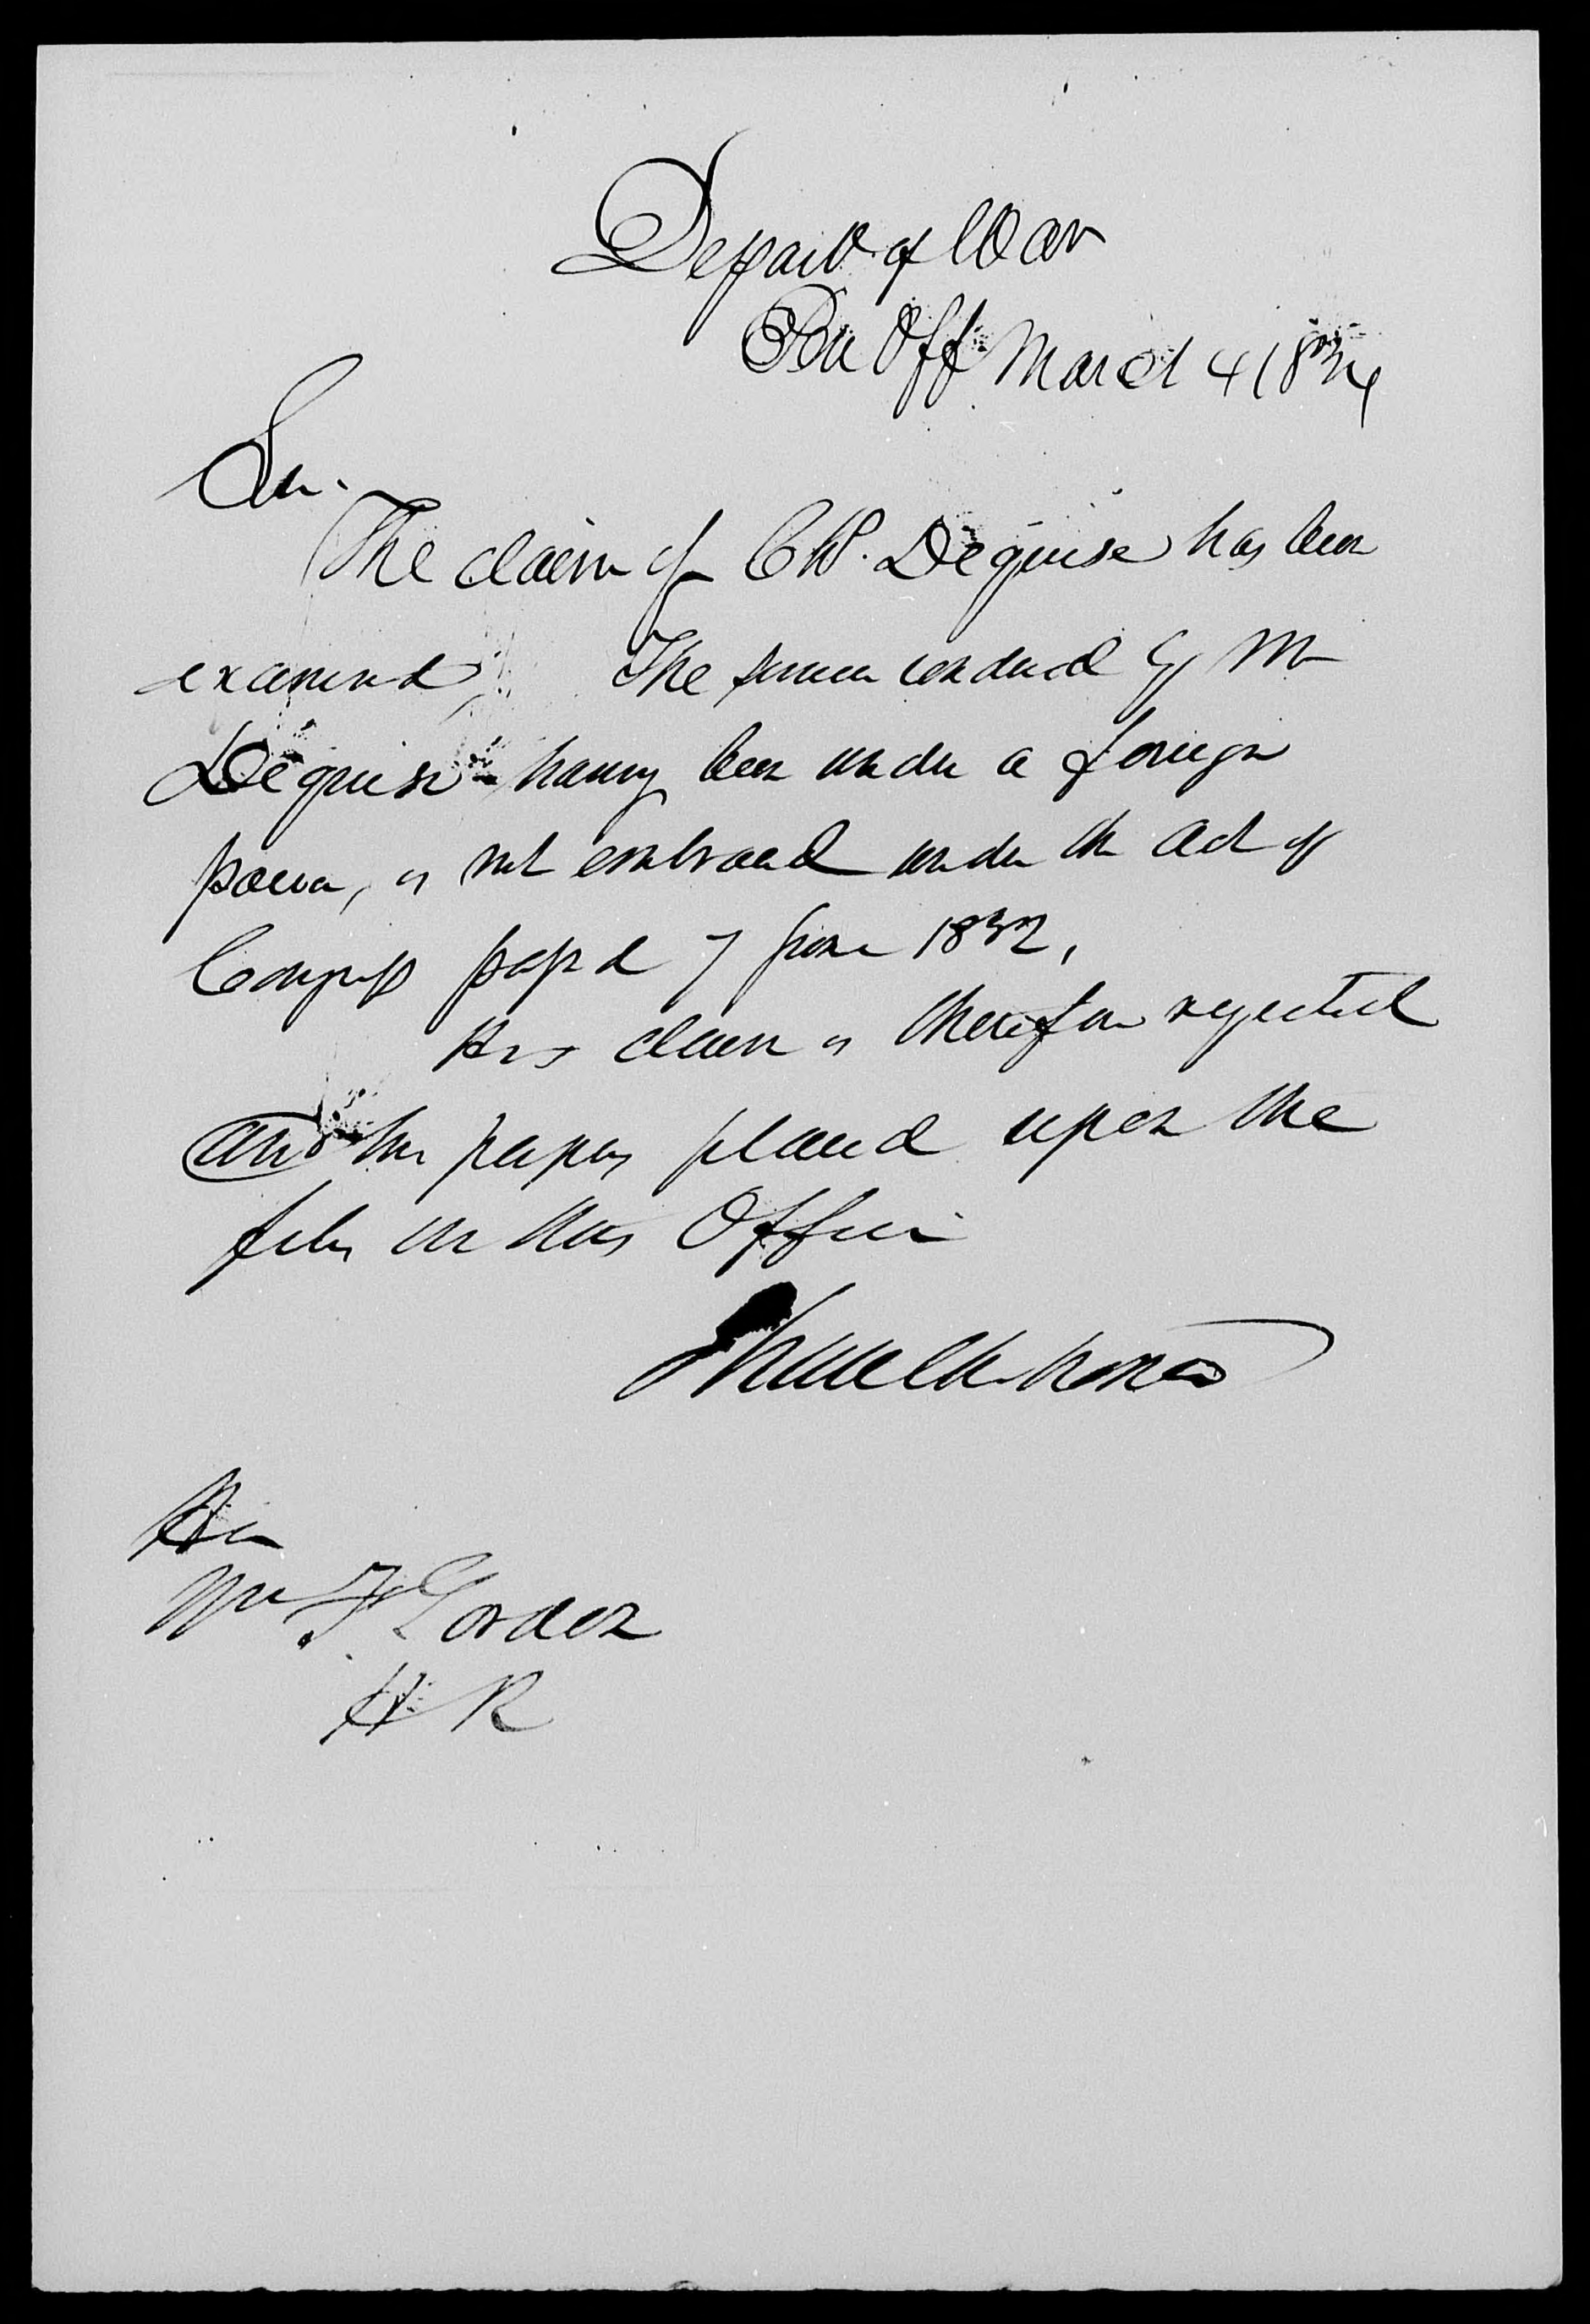Depart of War
Pen Off March 4 1834

Sir:

The claim of C W Dequisie has been examined.  The service rendered by Mr Dequisie having been under a foreign power, is not embraced under the act of Congress passed 7 June 1832.

His claim is therefore rejected and the papers places upon the files in this Office

[illegible]

Hon Wm F Gordon
HR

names: Chs Dequise, F Gordon, G M Dequise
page: 9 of 21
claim: rejected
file: R. 2,896, Charles Duzua, French